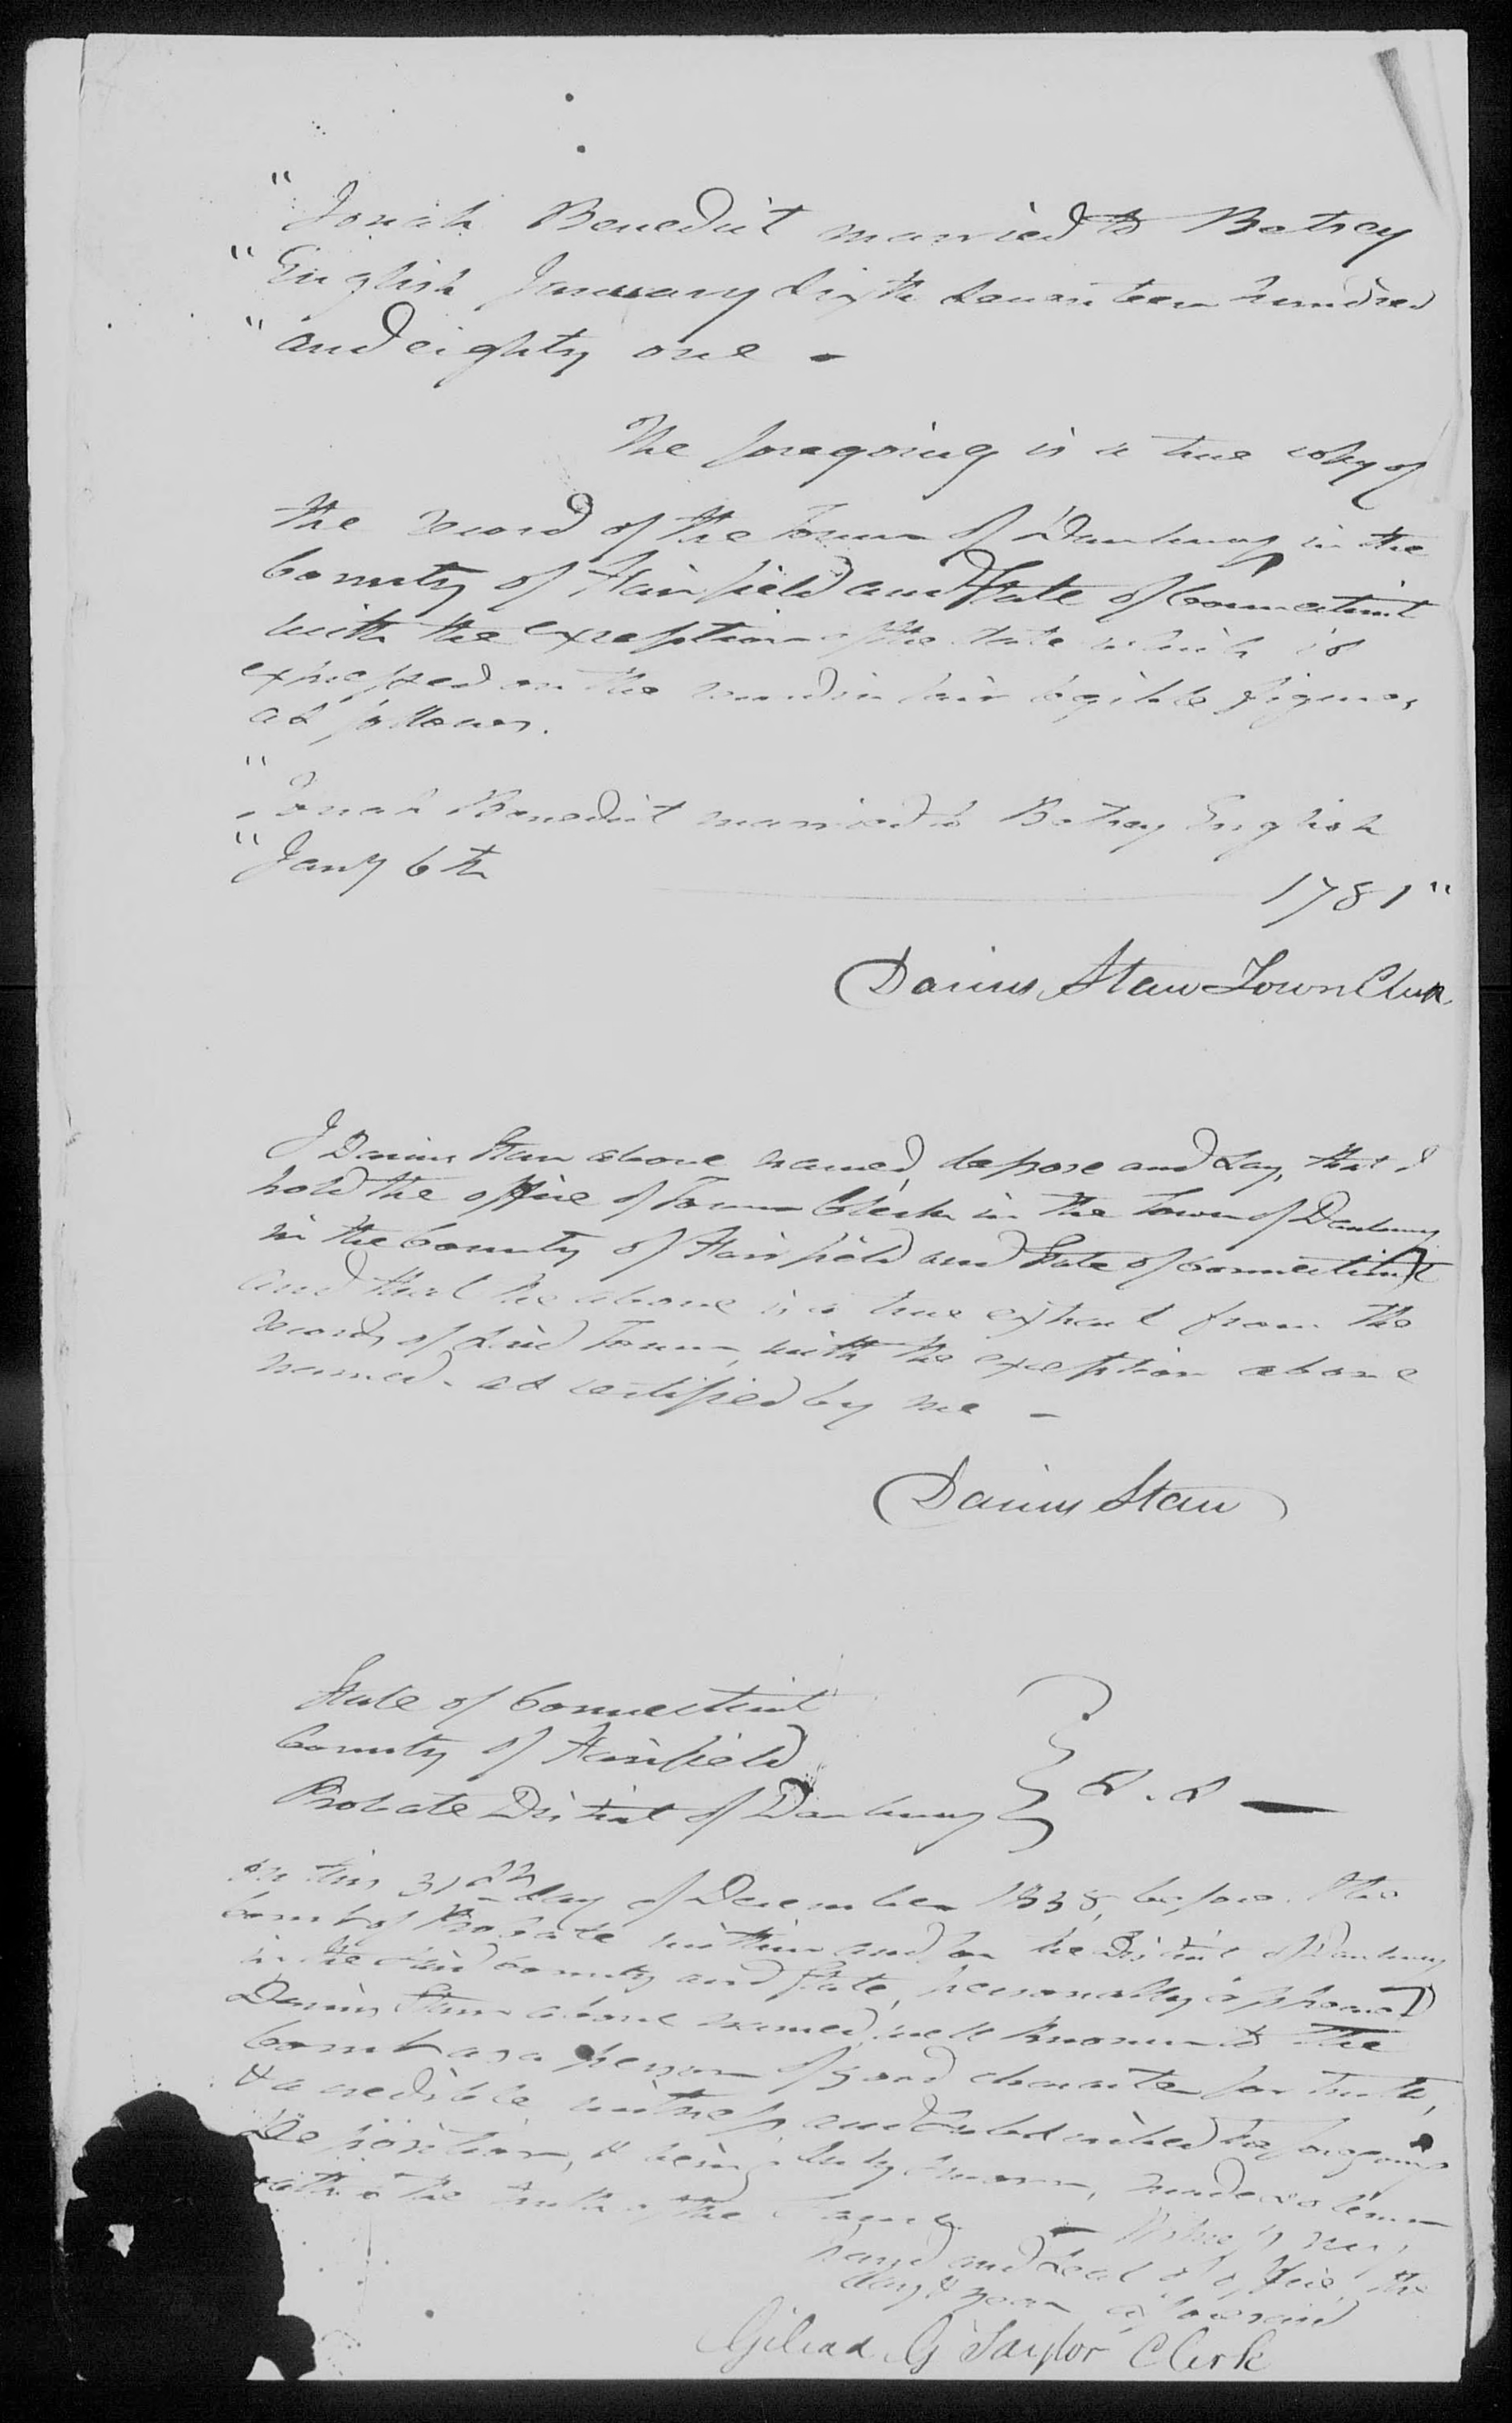" Jonah Benedict married to Betsey
" English January sixth Seventeen hundred
" and eighty one -

         The foregoing is a true copy
the record of the Town of Danbury in the
County of Fairfield State of Connecticut
with the exception of the date which is
expressed on the record in fair legible figures 
as follows

"  Jonah Benedict married to Betsey English
" Jany 6th                            1781 "
                       Darius Staw Town Clerk

I Darius Staw above named depose and say, that I
hold the office of town Clerk in the town of Danbury
in the County of Fairfield and date of Connecticut
and that the above is a true extract from the
records of the town with the exception above
named as certified by me
                                Darius Staw

State of Connecticut          }      
County of Fairfield              }  S. S
Probate District of Danbury}
On this 31 day of December 1838, before the
Court of Probate within and or the District of Danbury
in the said County and State, personally appeared
Darius Staw above named well known to the
Court as a person of good character for truth
& is a credible witness and ???
UNREADABLE
Gilead G Taylor Clerk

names: Darius Staw, Darius Staw, Jonah Benedict, Jonah Benedict, B Betsey, Darius Staw, Darius Staw, Gilead G Taylor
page: 6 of 56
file: [ILLEGIBLE], Jonah Benedict, Conn.